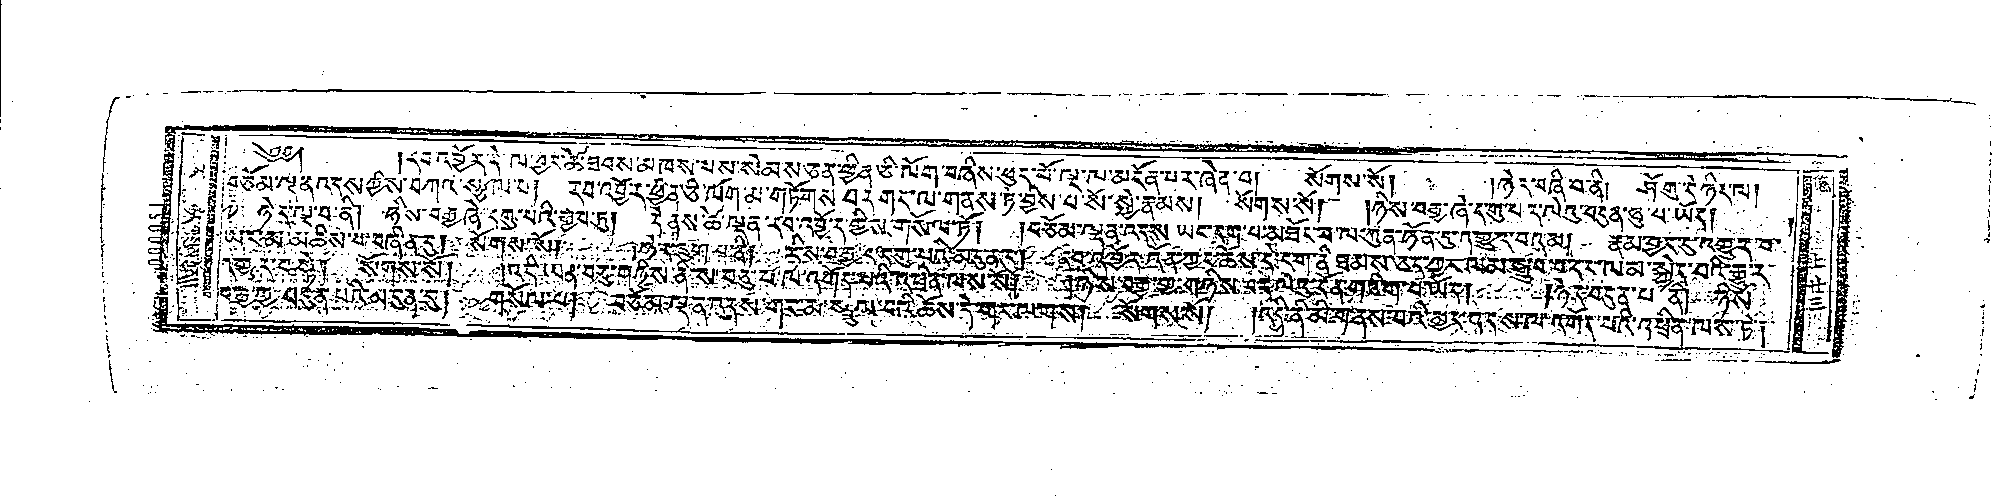༄༅། །རབ་འབྱོར་དེ་ལ་བྱང་ཚེ་ཐབས་མཁས་པས་སེམས་ཅན་ཕྱིན་ཅི་ལོག་བཞིས་ཕུང་པོ་ལྔ་ལ་མངོན་པར་ཞེན་པ། སོགས་སོ། །ཉེར་བཞི་བ་ནི། ཤོ་གུ་དེ་ཉིད་ལ།
བཅོམ་ལྡན་འདས་ཀྱིས་བཀའ་སྩལ་པ། རབ་འབྱོར་ཕྱིན་ཅི་ལོག་མ་གཏོགས་པར་གང་ལ་གནས་ཏེ་བྱིས་པ་སོ་སྐྱེ་རྣམས། སོགས་སོ། །ཉིས་བརྒྱ་ཞེ་དགུ་པར་ལེའུ་བདུན་ཅུ་པ་ཡོད།
༧་ཉེར་ལྔ་བ་ནི། ཉིས་བརྒྱ་ཞེ་དགུ་པའི་རྒྱབ་ཏུ། དེ་ནས་ཚེ་ལྡན་རབ་འབྱོར་གྱིས་གསོལ་ཏོ། །བཅོམ་ལྡན་འདས་ཡང་དག་པ་མཐོང་བ་ལ་ཀུན་ཉོན་དུ་འགྱུར་བའམ། རྣམ་བྱང་དུ་འགྱུར་བ་
ཡང་མ་མཆིས་པ་བཞིན་དུ། སོགས་སོ། །ཉེར་དྲུག་པ་ནི། རི་ས་བརྒྱ་ང་དགུ་པའི་མདུན་དུ། རབ་འབྱོར་འོན་ཀྱང་ཆོས་དེ་དག་ནི་ཐམས་ཅད་ཀྱང་ལམ་སྒྲུབ་བ་དང་ལམ་སྐྱེད་པའི་རྒྱུ་ར་
འགྱུར་བ་སྟེ། སོགས་སོ། །འདི་ལན་བཅུ་གཉིས་ནི་ས་བཅུ་པ་ལ་འགོད་པའི་འཕྲིན་ལས་སོ། །ཉིས་བརྒྱ་གྱ་གཉིས་བར་ལེའུ་དོན་གཅིག་པ་ཡོད། །ཉེར་བདུན་པ་ནི། ཉིས་
བརྒྱ་གྱ་བདུན་པའི་མདུན་དུ། གསོལ་པ། བཅོམ་ལྡན་འདས་གང་མ་སྤྲུལ་བའི་ཆོས་དེ་གང་ལགས། སོགས་སོ། །འདི་ནི་མི་གནས་པའི་མྱང་འདས་ལ་འགོད་པའི་འཕྲིན་ལས་ཏེ། །